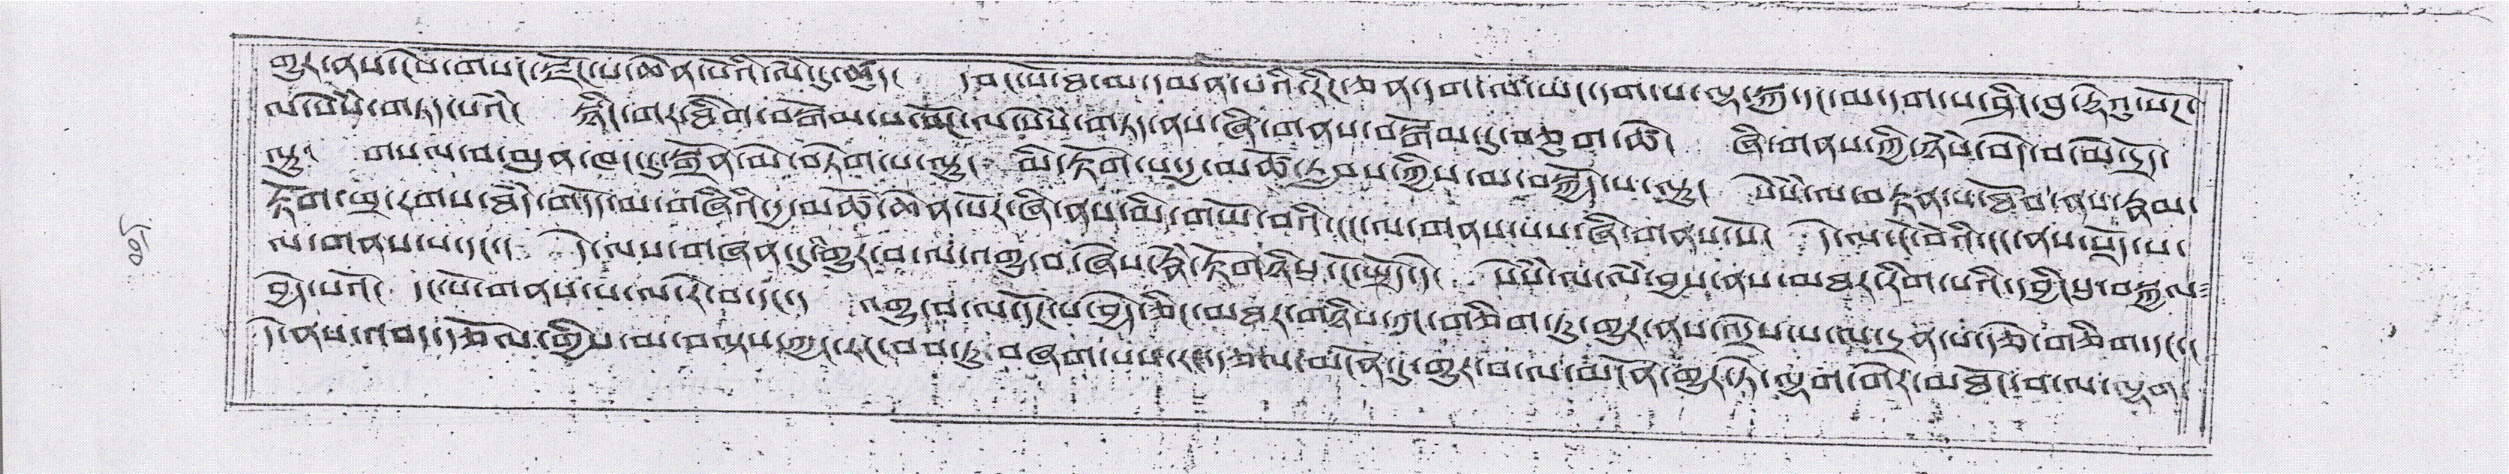གྱུར་ནས་ངེས་གསང་རྫོགས་པ་ཆེན་པོའི་ལམ་དུ་ཚུད། དབང་པོ་ཐ་མ་དམན་པའི་རིགས་ཅན་དག་ལ་ཡང་དག་པ་ལྷ་སྐུ་དང་མ་དག་པ་ཤིང་བུ་རྡེའུ་སོགས་
ལ་སེམས་གཏད་པའམ། སྙིང་གར་ཐིག་ལེ་བསྒོམ་པ་སོགས་ལ་སེམས་གཏད་ནས་ཞི་གནས་བསྒོམ་དུ་བཅུག་ཚེ། ཞི་གནས་ཀྱི་ཉམས་བདེ་བ་མེ་དྲོད་
ལྟ་བུ། གསལ་བ་མུན་ཁང་དུ་སྒྲོན་མེ་བཏེགས་པ་ལྟ་བུ། མི་རྟོག་པ་རྒྱ་མཚོ་རླབས་ཀྱིས་མ་བསྐྱོད་པ་ལྟ་བུ། སེམས་ལ་བརྟན་པ་ཐོབ་ནས་རྣམ་
རྟོག་ཕྲ་རགས་ཐམས་ཅད་གདོད་མ་གཞིའི་རྒྱ་མཚོ་ཆེན་པོར་ཞི་ནས་མི་གཡོ་བའི་ངང་ལ་གནས་པས་ཞི་གནས་སོ། དེ་ལ་ངོ་བོའི་ངང་ནས་སྡོད་པ་
ལ་གནས་པ་དང་། དེ་ལས་གཞན་དུ་འགྱུར་བ་ལ་འགྱུ་བ་ཞེས་རྣམ་རྟོག་གཉིས་ངོ་སྤྲོད་དེ། སེམས་ལ་ལམ་བྱས་ནས་མཐར་རིག་པའི་དབྱིངས་སུ་བསྐྱལ་
བྱེད་པའོ། དང་པོ་གནས་པ་ལ་རེ་བ་དང་། འགྱུ་བ་ལ་དྭོགས་པ་བྱེད་ཅིང་མཐར་གཉིས་ཀ་གཅིག་ཏུ་གྱུར་ནས་འདྲེས་པ་ལ་དྲན་པ་རྩེ་གཅིག་དང་། 
དེ་ནས་འབད་རྩོལ་གྱིས་མ་བལྟས་ཀྱང་རང་བབ་ཏུ་བཞག་པས་རང་རྩལ་མངོན་དུ་གྱུར་པ་ལ་མངོན་གྱུར་ཏེ་ལྷག་གེར་མཐོང་བ་ལ་ལྷག་